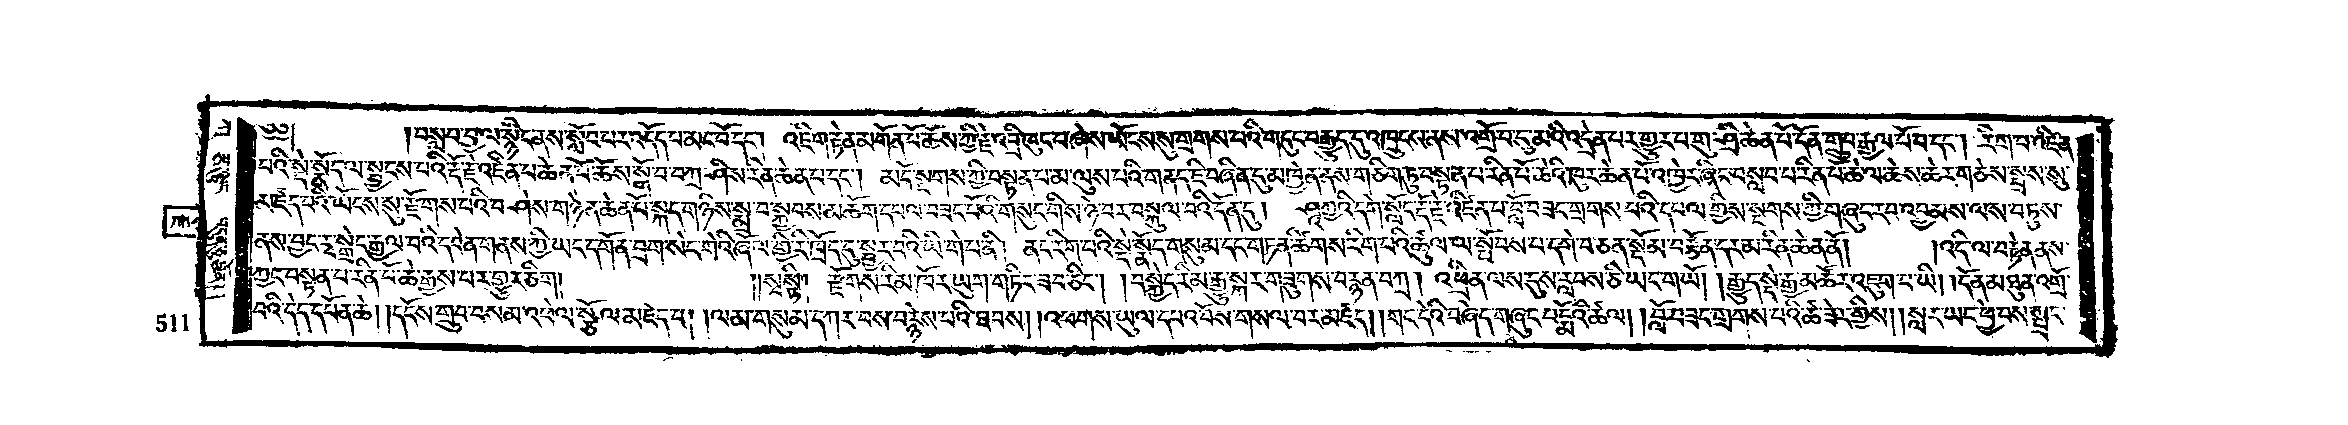༄༅། །བསླབ་བྱ་ལ་སྙིང་ནས་སློབ་པར་འདོད་པ་མང་པོ་དང་། འཇིག་རྟེན་མགོན་པོ་ཆོས་ཀྱི་རྗེ་འབྲི་ཁུང་བ་ཞེས་ཡོངས་སུ་གྲགས་པའི་གདུང་བརྒྱུད་དུ་འཁྲུངས་ནས་འགྲོ་བ་དུ་མའི་འདྲེན་པར་གྱུར་པ་གུ་ཤྲི་ཆེན་པོ་དོན་གྲུབ་རྒྱལ་པོ་བ་དང་། རིག་པ་འཛིན་
པའི་སྡེ་སྣོད་ལ་སྦྱངས་པའི་རྡོ་རྗེ་འཛིན་པ་ཆེན་པོ་ཆོས་སྒོ་བ་བཀྲ་ཤིས་རིན་ཆེན་པ་དང་། མདོ་སྔགས་ཀྱི་བསྟན་པ་མ་ལུས་པའི་གནད་ཇི་བཞིན་དུ་མཁྱེན་ནས་གཅིག་ཏུ་བསྟན་པ་རིན་པོ་ཆེའི་ཁུར་ཆེན་པོ་འཁྱེར་ཞིང་བསླབ་པ་རིན་པོ་ཆེ་ལ་ཆེས་ཆེར་གཅེས་སྤྲས་སུ་
མཛད་པའི་ཡོངས་སུ་རྫོགས་པའི་བཤེས་གཉེན་ཆེན་པོ་སྐད་གཉིས་སྨྲ་བ་སྐྱབས་མཆོག་དཔལ་བཟང་པོའི་གསུང་གིས་ཉེ་བར་བསྐུལ་བའི་དོན་དུ། ཤཱཀྱའི་དགེ་སློང་རྡོ་རྗེ་འཛིན་པ་བློ་བཟང་གྲགས་པའི་དཔལ་གྱིས་སྔགས་ཀྱི་གཞུང་རབ་འབྱམས་ལས་བཏུས་
ནས་བྱང་རྭ་སྒྲེང་རྒྱལ་བའི་དབེན་གནས་ཀྱི་ཡང་དགོན་བྲག་སེང་གེའི་ཞོལ་གྱི་རི་ཁྲོད་དུ་སྦྱར་བའི་ཡི་གེ་པ་ནི། ནང་རིག་པའི་སྡེ་སྣོད་གསུམ་དང་གཏན་ཚིགས་རིག་པའི་ཚུལ་ལ་སྤོབས་པ་དགེ་བ་ཅན་སྡོམ་བརྩོན་དར་མ་རིན་ཆེན་ནོ། །འདི་ལ་བརྟེན་ནས་
ཀྱང་བསྟན་པ་རིན་པོ་ཆེ་རྒྱས་པར་གྱུར་ཅིག། །།སྭ་སྟི། རྫོགས་རིམ་ཁོར་ཡུག་གཏིང་ཟབ་ཅིང་། །བསྐྱེད་རིམ་རྒྱུ་སྐར་གཟུགས་བརྙན་བཀྲ། འཕྲིན་ལས་དུས་རླབས་ཅི་ཡང་གཡོ། །རྒྱུད་སྡེ་རྒྱ་མཚོར་འཇུག་པ་ཡི། །དོན་མཐུན་འགྲོ་
བའི་དེད་དཔོན་ཆེ། །དངོས་གྲུབ་བསམ་འཕེལ་སྩོལ་མཛད་པ། །ལམ་གསུམ་དཀར་བས་བརྙེས་པའི་ཐབས། །འཕགས་ཡུལ་དཔའ་བོས་གསལ་བར་མཛད། །གང་དེའི་བཞེད་གཞུང་པདམོའི་ཚལ། །བློ་བཟང་གྲགས་པའི་ཚ་ཟེར་གྱིས། །སླར་ཡང་ཕྱེ་བས་སྦྲང་